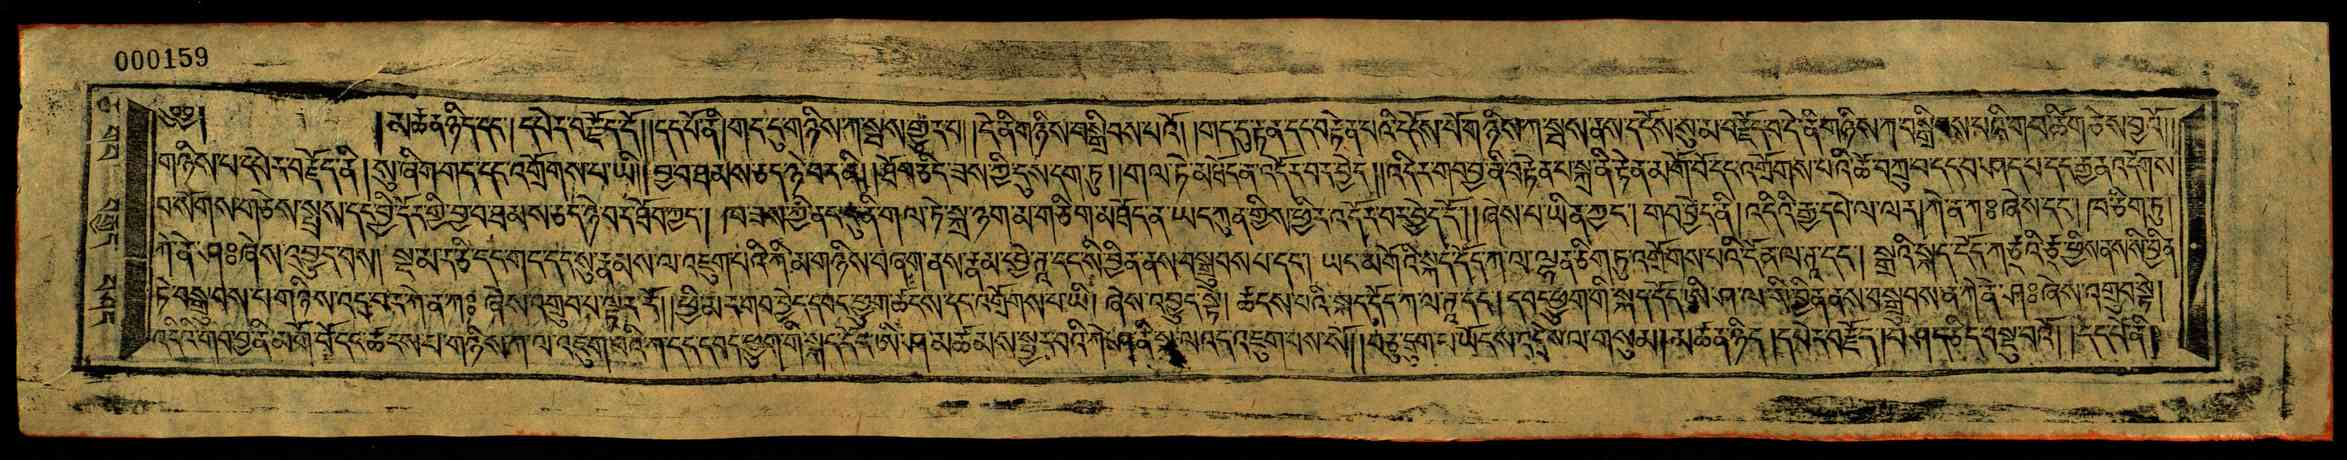༄༅། །མཚན་ཉིད་དང་། དཔེར་བརྗོད་དོ། །དང་པོ་ནི། གང་དུ་གཉིས་ཀ་སྦས་གྱུར་པ། །དེ་ནི་གཉིས་བསྒྲིབས་པའི། །གང་དུ་རྟན་དང་བརྟེན་པའི་དངོས་པོ་གཉིས་ཀ་སྦས་ནས་དངོས་སུམ་བརྗོད་པ་དེ་ནི་གཉིས་ཀ་བསྒྲིབས་པའི་གབ་ཚིག་ཅེས་བྱའོ།།
གཉིས་པ་དཔེར་བརྗོད་ནི། སུ་ཞིག་གང་དང་འགྲོགས་པ་ཡི། །བྱ་བ་ཐམས་ཅད་ཉེ་བར་ནི། །ཐོབ་ཅིང་ཟས་ཀྱི་དུས་དག་ཏུ། །གལ་ཏེ་མཐོང་ན་འདོར་བར་བྱེད། །འདིར་གབ་བྱ་ནི་བརྟེན་པ་སྐྲ་ནི་རྟེན་མགོ་བོ་དང་འགྲོགས་པའི་ཚེ་བཀྲུ་བ་དང་བཤད་པ་དང་རྒྱན་འདོགས་
པ་སོགས་གཅེས་སྤྲས་དང་བྱི་དོར་གྱི་བྱ་བ་ཐམས་ཅད་ཉེ་བར་ཐོབ་ཀྱང་། ཁ་ཟས་ཀྱི་ནང་དུ་ནི་གལ་ཏེ་སྐྲ་ཉག་མ་གཅིག་མཐོང་ན་ཡང་ཀུན་གྱིས་ཕྱིར་འདོར་བར་བྱེད་དོ། །ཞེས་པ་ཡིན་ཀྱང་། གབ་བྱེད་ནི། འདིའི་རྒྱ་དཔེ་ལ་ལར། ཀེ་ན་ཀཿ ཞེས་དང་། ཁ་ཅིག་ཏུ།
ཀེ་ནེ་ཤཿ ཞེས་འབྱུང་བས། སྔ་མར་ཅི་དང་གང་དང་སུ་རྣམས་ལ་འཇུག་པའི་ཀིམ་གཉིས་བཞག་ནས་རྣམ་དབྱ་ཊཱ་དང་སི་བྱིན་ནས་བསྒྲུབས་པ་དང་། ཡང་མགོའི་སྐད་དེད་ཀ་ལ་ལྷན་ཅིག་ཏུ་འགྲོགས་པའི་དོན་ལ་ཊཱ་དང་། སྐྲའི་སྐད་དོད་ཀཙའི་ཙ་ཕྱིས་ནས་སི་བྱིན་
ཏ་བསྒྲུབས་པ་གཉིས་འདྲ་བར་ཀེ་ན་ཀཿ ཞེས་འགྲུབ་པ་ལྟར་རོ། །ཕྱི་མར་གབ་བྱེད་དབང་ཕྱུག་ཚངས་དང་འགྲོགས་པ་ཡི། ཞེས་འབྱུང་སྟེ། ཚངས་པའི་སྐད་དོད་ཀ་ལ་ཊཱ་དང་། དབང་ཕྱུག་གི་སྐད་དོད་ཨི་ཤ་ལ་སི་བྱིན་ནས་བསྒྲུབས་ན་ཀེ་ནེ་ཤཿ ཞེས་འགྲུབ་སྟེ།
འདེའི་གབ་བྱ་ནི་མགོ་བོ་དང་ཚངས་པ་གཉིས་ཀ་ལ་འཇུག་པའི་ཀ་དང་དབང་ཕྱུག་གི་སྐད་དོད་ཨི་ཤ་མཚམས་སྦྱར་བའི་ཀ་ཤ་ནི་སྐྲ་ལའང་འཇུག་པས་སོ། །བཅུ་དྲུག་པ་ཡོངས་འདྲེས་ལ་གསུམ། མཚན་ཉིད། །དཔེར་བརྗོད། བཤད་ཅིང་བསྡུ་བའོ། །དང་པོ་ནི།